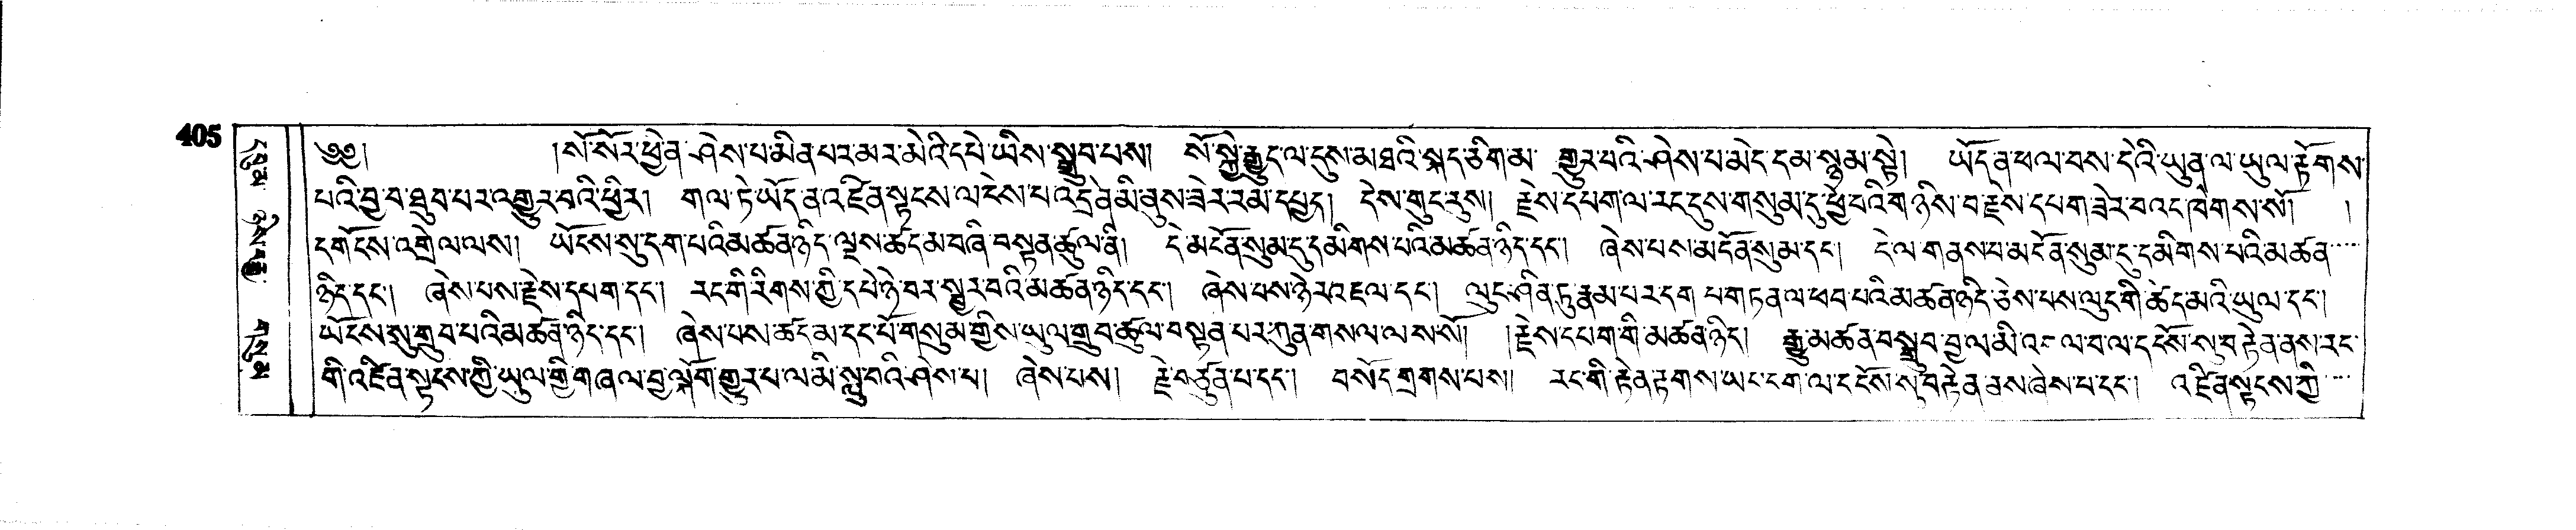༄༅། །སོ་སོར་ཕྱེ་ན་ཤེས་པ་མིན་པར་མར་མེའི་དཔེ་ཡིས་སྒྲུབ་པས། སོ་སྐྱེ་རྒྱུད་ལ་དུས་མཐའི་སྐད་ཅིག་མ་གྱུར་བའི་ཤེས་པ་མེད་དམ་སྙམ་སྟེ། ཡོད་ན་ཕལ་བས་དེའི་ཡུན་ལ་ཡུལ་རྟོགས་
པའི་བྱ་བ་ཐུབ་པར་འགྱུར་བའི་ཕྱིར། གལ་ཏེ་ཡོད་ན་འཛིན་སྟངས་ལ་ངེས་པ་འདྲེན་མི་ནུས་ཟེར་རམ་དཔྱད། དེས་གུང་རུས། རྗེས་དཔག་ལ་རང་དུས་གསུམ་དུ་ཕྱེ་བའི་གཉིས་པ་རྗེས་དཔག་ཟེར་བའང་ཁེགས་སོ། །
དགོངས་འགྲེལ་ལས། ཡོངས་སུ་དག་པའི་མཚན་ཉིད་ལྔས་ཚད་མ་བཞི་བསྟན་ཚུལ་ནི། དེ་མངོན་སུམ་དུ་དམིགས་པའི་མཚན་ཉིད་དང་། ཞེས་པས་མངོན་སུམ་དང་། དེ་ལ་གནས་པ་མངོན་སུམ་དུ་དམིགས་པའི་མཚན་
ཉིད་དང་། ཞེས་པས་རྗེས་དཔག་དང་། རང་གི་རིགས་ཀྱི་དཔེ་ཉེ་བར་སྦྱར་བའི་མཚན་ཉིད་དང་། ཞེས་པས་ཉེར་འཇལ་དང་། ལུང་ཤིན་ཏུ་རྣམ་པར་དག་པ་གཏན་ལ་ཕབ་པའི་མཚན་ཉིད་ཅེས་པས་ལུང་གི་ཚེད་མའི་ཡུལ་དང་།
ཡོངས་སུ་གྲུབ་པའི་མཚན་ཉིད་དང་། ཞེས་པས་ཚད་མ་དང་པོ་གསུམ་གྱིས་ཡུལ་གྲུབ་ཚུལ་བསྟན་པར་ཀུན་གསལ་ལས་སོ། །རྗེས་དཔག་གི་མཚན་ཉིད། རྒྱུ་མཚན་བསྒྲུབ་བྱ་ལ་མི་འགལ་བ་ལ་དངོས་སུ་བརྟེན་ནས་རང་
གི་འཛིན་སྟངས་ཀྱི་ཡུལ་གྱི་གཞལ་བྱ་ལྐོག་གྱུར་པ་ལ་མི་སླུ་བའི་ཤེས་པ། ཞེས་པས། རྗེ་བཙུན་པ་དང་། བསོད་གྲགས་པས། རང་གི་རྟེན་རྟགས་ཡང་ངག་ལ་དངོས་སུ་བརྟེན་ནས་ཞེས་པ་དང་། འཛིན་སྟངས་ཀྱི་